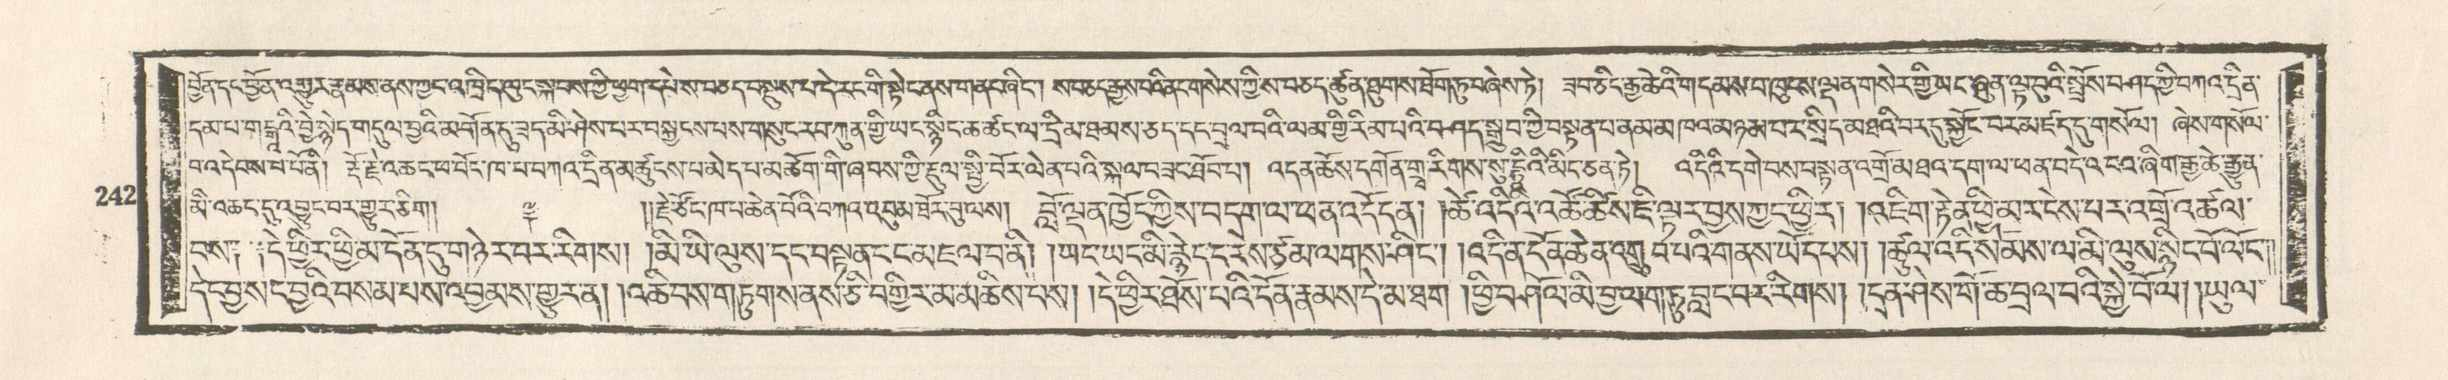བྱོན་དང་བྱོན་འགྱུར་རྣམས་ནས་ཀྱང་འཁྲིད་ལུང་སྐབས་ཀྱི་ཕྱག་དཔེ་ས་བཅད་བསྡུས་པ་དེ་རང་གི་སྟེང་ནས་གནང་ཞིང་། ས་བཅད་རྒྱས་པའི་ནང་གསེས་ཀྱི་ས་བཅད་ཚུན་ཐུགས་ཐོག་ཏུ་བཞེས་ཏེ། ཟབ་ཅིང་རྒྱ་ཆེའི་གདམས་པ་ཁུངས་ལྡན་གསེར་གྱི་ཡང་ཞུན་ལྟ་བུའི་སྤྲོས་བཤད་ཀྱི་བཀའ་དྲིན
དམ་པ་གངཱའི་བྱེ་སྣེཡད་གདུལ་བྱའི་མགོན་དུ་ཟད་མི་ཤེས་པར་བསྐྱངས་པས་གསུང་རབ་ཀུན་གྱི་ཡང་སྙིང་ཆ་ཚང་ལ་དྲི་མ་ཐམས་ཅད་དང་བྲལ་བའི་ལམ་གྱི་རིམ་པའི་བཤད་སྒྲུབ་ཀྱི་བསྟན་པ་ནམ་མཁའ་མཉམ་པར་སྲིད་མཐའི་བར་དུ་སྐྱོང་པར་མཛད་དུ་གསོལ། ཞེས་གསོལ
བ་འདེབས་པ་བེ་ནི། རྡོ་རྗེ་འཆང་ཕ་བོང་ཁ་པ་བཀའ་དྲིན་མཚུངས་པ་མེད་པ་མཆོག་གི་ཞབས་ཀྱི་རྡུལ་སྤྱི་བོར་ལེན་པའི་སྐལ་བཟང་ཐོབ་པ། འདན་ཆོས་དགོན་གྲྭ་རིགས་སུ་དྷཱིའི་མིང་ཅན་ཏེ། འདིའི་དགེ་བས་བསྟན་འགྲོ་མཐའ་དག་ལ་ཕན་བདེ་འབའ་ཞིག་རྒྱ་ཆེ་རྒྱུན
མི་འཆད་དུ་འབྱུང་བར་གྱུར་ཅིག ། ༈ །།རྗེ་ཙོང་ཁ་པ་ཆེན་པོའི་བཀའ་འབུམ་ཐོར་བུ་ལས།  བློ་ལྡན་ཁྱོད་ཀྱིས་བདག་ལ་ཕན་འདོད་ན། །ཚེ་འདིའི་འཚོ་ཚིས་ཇི་ལྟར་བྱས་ཀྱང་ཕྱིད། །འཇིག་རྟེན་ཕྱི་མར་ངེས་པར་འགྲོ་འཚལ་
བས༑ ༑དེ་ཕྱིར་ཕྱི་མ་དོན་དུ་གཉེར་བར་རིགས། །མི་ཡི་ལུས་དང་བསྟན་ངང་མཇལ་བ་ནི། །ཡང་ཡང་མི་རྙེད་ད་རེས་ཙམ་ལགས་ཤིང་། །འདི་ན་དོན་ཆེན་འགྲུབ་པའི་གནས་ཡོད་པས། །ཚུལ་འདི་སེམས་ལ་མི་ལུས་སྙིང་པོ་ལོང།།
དེང་བྱ་སང་བྱའི་བསམ་པས་འབྱམས་གྱུར་ན། །འཆི་བས་གཏུགས་ནས་ཅི་བགྱིར་མ་མཆིས་པས། །དེ་ཕྱིར་ཐོས་པའི་དོན་རྣམས་དེ་མ་ཐག །ཕྱི་བཤོལ་མི་བྱ་ལག་ཏུ་བླང་བར་རིགས། །དྲན་ཤེས་གོ་ཆ་བྲལ་བའི་སྐྱེ་བོ་ལ། །ཡུལ་